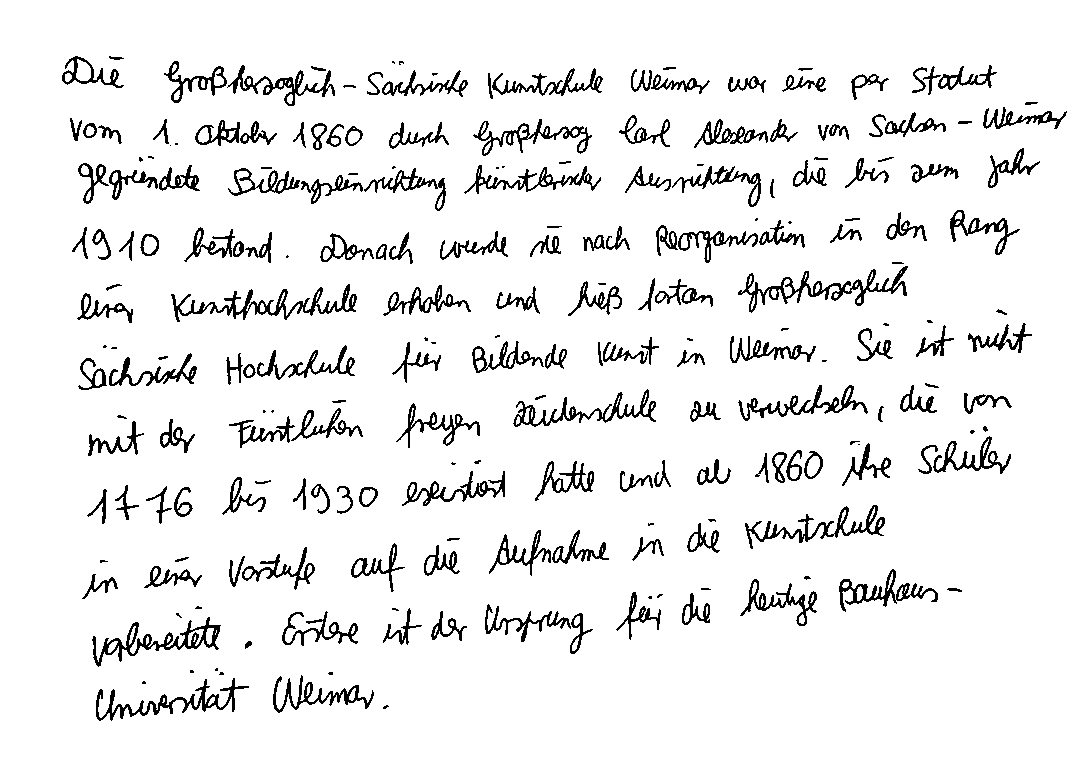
Die Großherzoglich-Sächsische Kunstschule Weimar war eine per Statut
vom 1. Oktober 1860 durch Großherzog Carl Alexander von Sachsen-Weimar
gegründete Bildungseinrichtung künstlerischer Ausrichtung, die bis zum Jahr
1910 bestand. Danach wurde sie nach Reorganisation in den Rang
einer Kunsthochschule erhoben und hieß fortan Großherzoglich
Sächsische Hochschule für Bildende Kunst in Weimar. Sie ist nicht
mit der Fürstlichen freyen Zeichenschule zu verwechseln, die von
1776 bis 1930 existiert hatte und ab 1860 ihre Schüler
in einer Vorstufe auf die Aufnahme in die Kunstschule
vorbereitete. Erstere ist der Ursprung für die heutige Bauhaus-
Universität Weimar.
